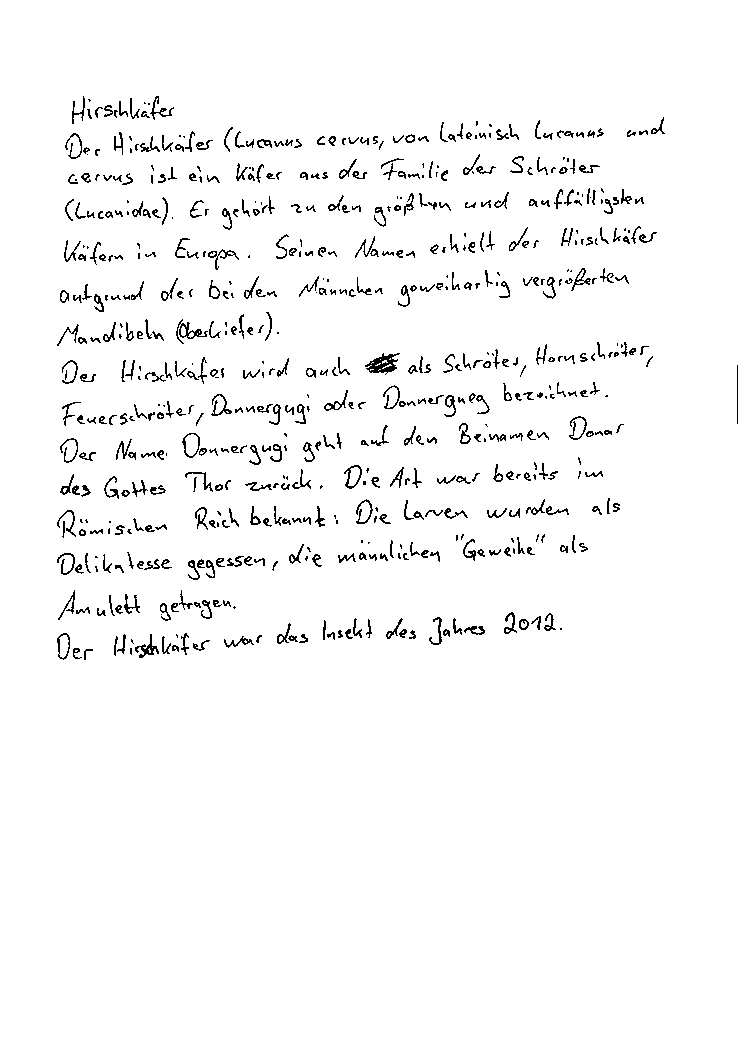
Hirschkäfer
Der Hirschkäfer (Lucanus cervus, von lateinisch lucanus und
cervus ist ein Käfer aus der Familie der Schröter
(Lucanidae). Er gehört zu den größten und auffälligsten
Käfern in Europa. Seinen Namen erhielt der Hirschkäfer
aufgrund der bei den Männchen geweihartig vergrößerten
Mandibeln (Oberkiefer).
Der Hirschkäfer wird auch als Schröter, Hornschröter,
Feuerschröter, Donnergugi oder Donnergueg bezeichnet.
Der Name Donnergugi geht auf den Beinamen Donar
des Gottes Thor zurück. Die Art war bereits im
Römischen Reich bekannt. Die Larven wurden als
Delikatesse gegessen, die männlichen "Geweihe" als
Amulett getragen.
Der Hirschkäfer war das Insekt des Jahres 2012.
